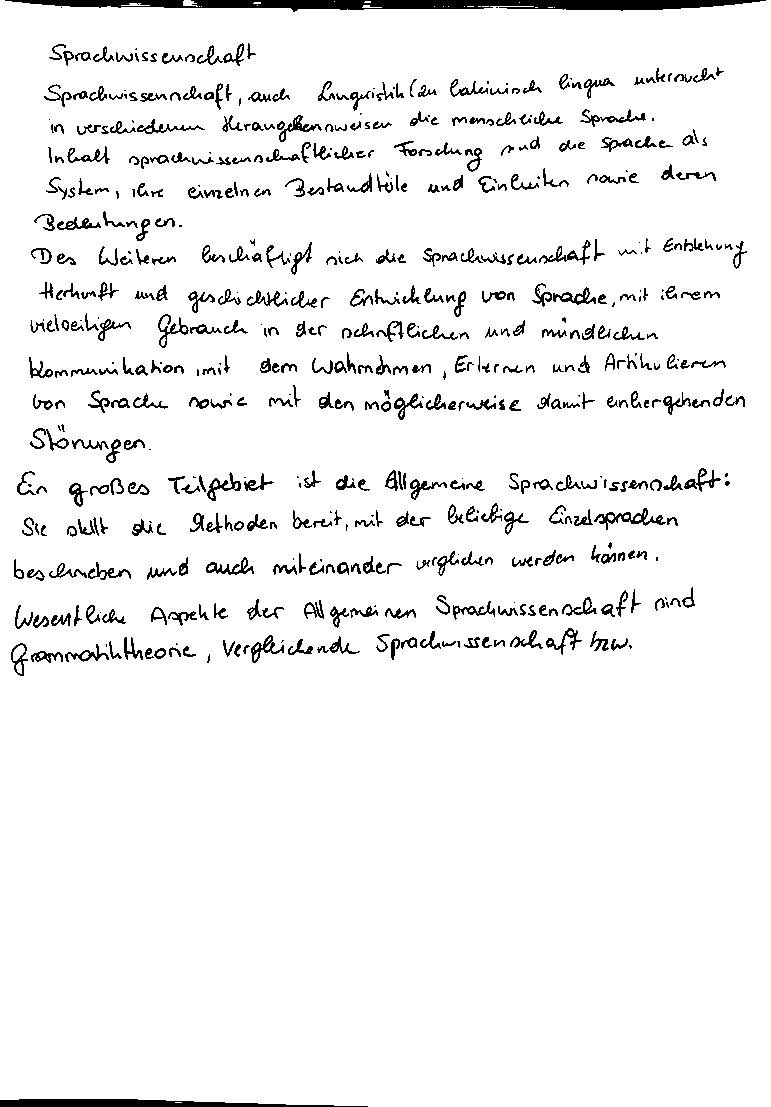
Sprachwissenschaft
Sprachwissenschaft, auch Linguistik (zu lateinisch lingua untersucht
in verschiedenen Herangehensweisen die menschliche Sprache.
Inhalt sprachwissenschaftlicher Forschung sind die Sprache als
System, ihre einzelnen Bestandteile und Einheiten sowie deren
Bedeutungen.
Des Weiteren beschäftigt sich die Sprachwissenschaft mit Entstehung,
Herkunft und geschichtlicher Entwicklung von Sprache, mit ihrem
vielseitigen Gebrauch in der schriftlichen und mündlichen
Kommunikation, mit dem Wahrnehmen, Erlernen und Artikulieren
von Sprache sowie mit den möglicherweise damit einhergehenden
Störungen.
Ein großes Teilgebiet ist die Allgemeine Sprachwissenschaft:
Sie stellt die Methoden bereit, mit der beliebige Einzelsprachen
beschrieben und auch miteinander verglichen werden können.
Wesentliche Aspekte der Allgemeinen Sprachwissenschaft sind
Grammatiktheorie, Vergleichende Sprachwissenschaft bzw.
